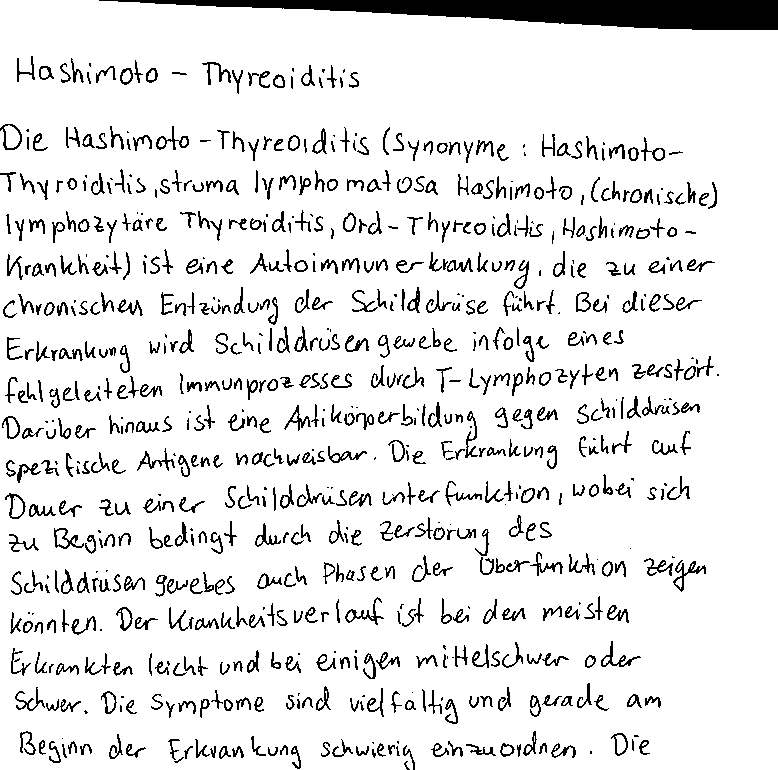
Hashimoto-Thyreoiditis
Die Hashimoto-Thyreoiditis (Synonyme: Hashimoto-
Thyroiditis, Struma lymphomatosa Hashimoto, (chronische)
lymphozytäre Thyreoiditis, Ord-Thyreoiditis, Hashimoto-
Krankheit) ist eine Autoimmunerkrankung, die zu einer
chronischen Entzündung der Schilddrüse führt. Bei dieser
Erkrankung wird Schilddrüsengewebe infolge eines
fehlgeleiteten Immunprozesses durch T-Lymphozyten zerstört.
Darüber hinaus ist eine Antikörperbildung gegen schilddrüsen
spezifische Antigene nachweisbar. Die Erkrankung führt auf
Dauer zu einer Schilddrüsenunterfunktion, wobei sich
zu Beginn bedingt durch die Zerstörung des
Schilddrüsengewebes auch Phasen der Überfunktion zeigen
könnten. Der Krankheitsverlauf ist bei den meisten
Erkrankten leicht und bei einigen mittelschwer oder
schwer. Die Symptome sind vielfältig und gerade am
Beginn der Erkrankung schwierig einzuordnen. Die
